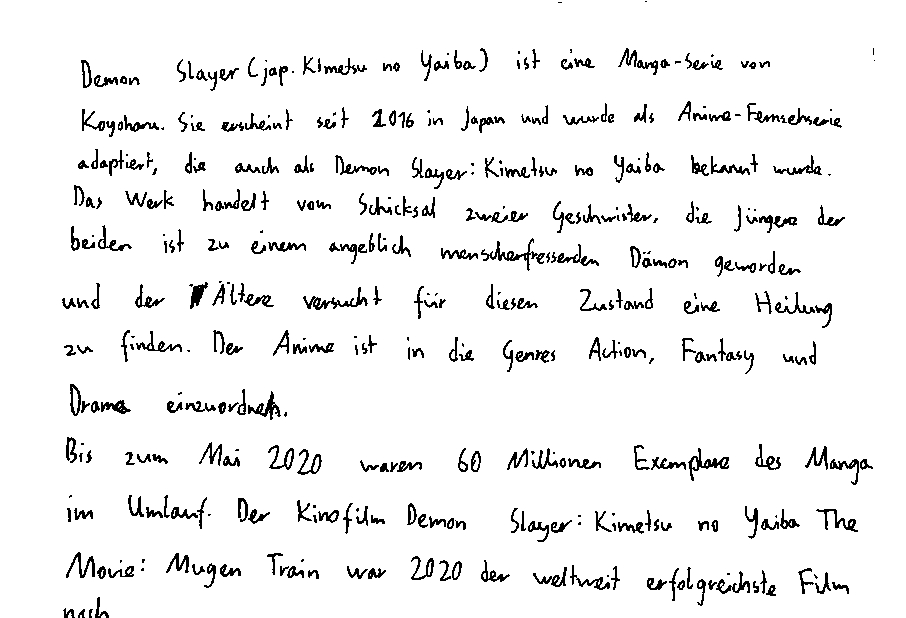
Demon Slayer (jap. Kimetsu no Yaiba) ist eine Manga-Serie von
Koyoharu Sie erscheint seit 2016 in Japan und wurde als Anime-Fernsehserie
adaptiert, die auch als Demon Slayer: Kimetsu no Yaiba bekannt wurde.
Das Werk handelt vom Schicksal zweier Geschwister, die Jüngere der
beiden ist zu einem angeblich menschenfressenden Dämon geworden
und der Ältere versucht für diesen Zustand eine Heilung
zu finden. Der Anime ist in die Genres Action, Fantasy und
Drama einzuordnen.
Bis zum Mai 2020 waren 60 Millionen Exemplare des Manga
im Umlauf.Der Kinofilm Demon Slayer: Kimetsu no Yaiba The
Movie: Mugen Train war 2020 der weltweit erfolgreichste Film
